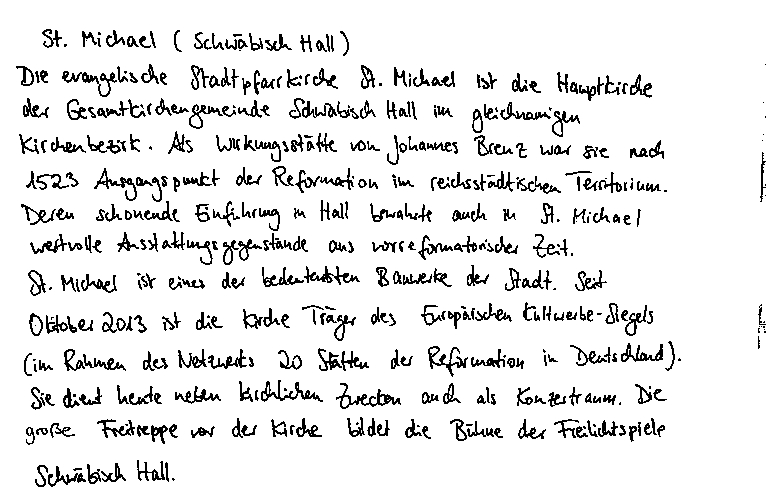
St. Michael (Schwäbisch Hall)
Die Evangelische Stadtpfarrkirche St. Michael ist die Hauptkirche
der Gesamtkirchengemeinde Schwäbisch Hall im gleichnamigen
Kirchenbezirk. Als Wirkungsstätte von Johannes Brenz war sie nach
1523 Ausgangspunkt der Reformation im reichsstädtischen Territorium.
Deren schonende Einführung in Hall bewahrte auch in St. Michael
wertvolle Ausstattungsgegenstände aus vorreformatorischer Zeit.
St. Michael ist eines der bedeutendsten Bauwerke der Stadt. Seit
Oktober 2013 ist die Kirche Träger des Europäischen Kulturerbe-Siegels
(im Rahmen des Netzwerks 20 Stätten der Reformation in Deutschland).
Sie dient heute neben kirchlichen Zwecken auch als Konzertraum. Die
große Freitreppe vor der Kirche bildet die Bühne der Freilichtspiele
Schwäbisch Hall.
